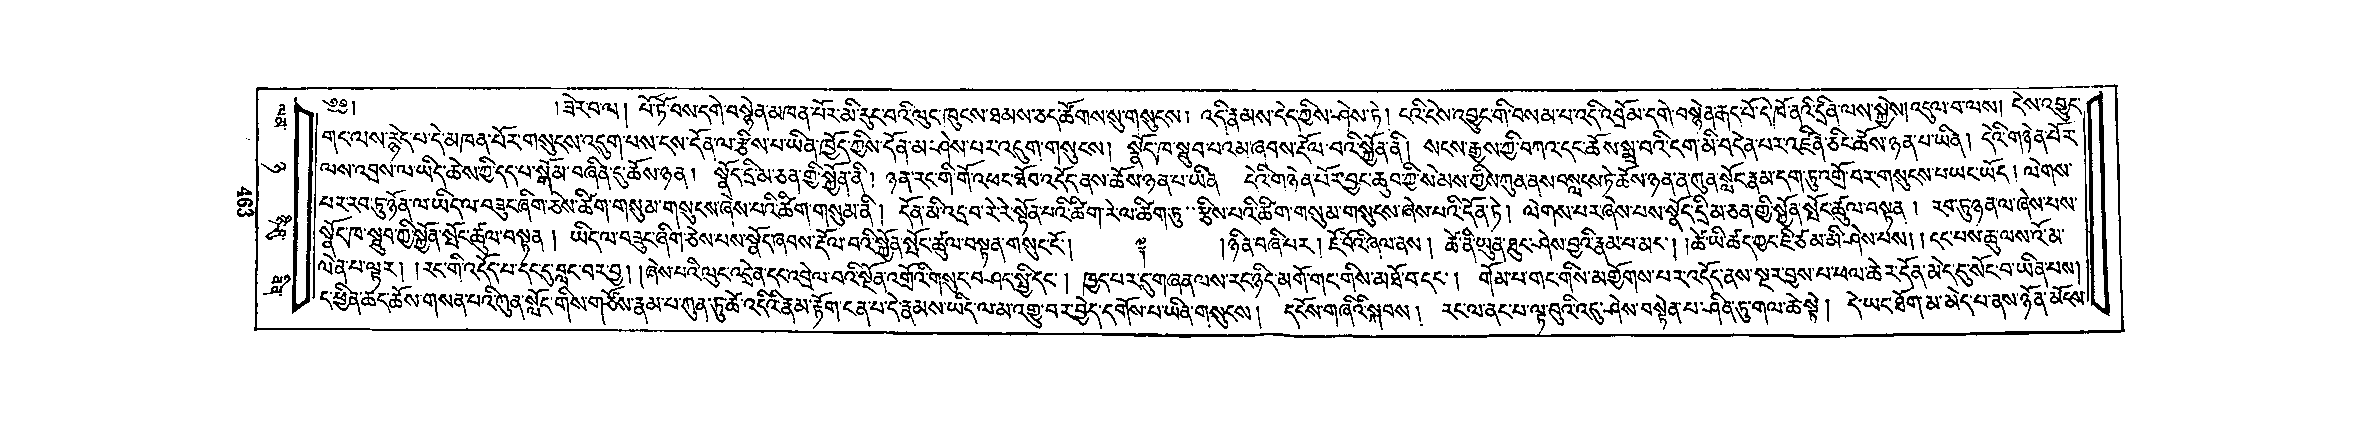༄༅། །ཟེར་བ་ལ། པོ་ཏོ་བས་དགེ་བསྙེན་མཁན་པོར་མི་རུང་བའི་ལུང་ཁུངས་ཐམས་ཅད་ཚོགས་སུ་གསུངས། འདི་རྣམས་ངེད་ཀྱིས་ཤེས་ཏེ། ངའི་ངེས་འབྱུང་གི་བསམ་པ་འདི་འབྲོམ་དགེ་བསྙེན་རྒད་པོ་དེ་ཁོ་ནའི་དྲིན་ལས་སྐྱེས། འདུལ་བ་ལས། ངེས་འབྱུང་
གང་ལས་རྙེད་པ་དེ་མཁན་པོར་གསུངས་འདུག་པས་ངས་དོན་ལ་རྩིས་པ་ཡིན་ཁྱོད་ཀྱིས་དོན་མ་ཤེས་པར་འདུག་གསུངས། སྣོད་ཁ་སྦུབ་པའམ་ཞབས་རྡོལ་བའི་སྐྱོན་ནི། སངས་རྒྱས་ཀྱི་བཀའ་དང་ཆོས་སྨྲ་བའི་ངག་མི་བདེན་པར་འཛིན་ཅིང་ཆོས་ཉན་པ་ཡིན། དེའི་གཉེན་པོར་
ལས་འབྲས་ལ་ཡིད་ཆེས་ཀྱི་དད་པ་སྒོམ་བཞིན་དུ་ཆོས་ཉན། སྣོད་དྲི་མ་ཅན་གྱི་སྐྱོན་ནི། ཉན་རང་གི་གོ་འཕང་ཐོབ་འདོད་ནས་ཆོས་ཉན་པ་ཡིན། དེའི་གཉེན་པོར་བྱང་ཆུབ་ཀྱི་སེམས་ཀྱིས་ཀུན་ནས་བསླངས་ཏེ་ཆོས་ཉན་ན་ཀུན་སློང་རྣམ་དག་ཏུ་འགྲོ་བར་གསུངས་པ་ཡང་ཡོད། ལེགས་
པར་རབ་ཏུ་ཉོན་ལ་ཡིད་ལ་བཟུང་ཞིག་ཅེས་ཚིག་གསུམ་གསུངས་ཞེས་པའི་ཚིག་གསུམ་ནི། དོན་མི་འདྲ་བ་རེ་རེ་སྟོན་པའི་ཚིག་རེ་ལ་ཚིག་ཏུ་རྩིས་པའི་ཚིག་གསུམ་གསུངས་ཞེས་པའི་དོན་ཏེ། ལེགས་པར་ཞེས་པས་སྣོད་དྲི་མ་ཅན་གྱི་སྐྱོན་སྤོང་ཚུལ་བསྟན། རབ་ཏུ་ཉན་ལ་ཞེས་པས་
སྣོད་ཁ་སྦུབ་ཀྱི་སྐྱོན་སྤོང་ཚུལ་བསྟན། ཡིད་ལ་བཟུང་ཞིག་ཅེས་པས་སྣོད་ཞབས་རྡོལ་བའི་སྐྱོན་སྤོང་ཚུལ་བསྟན་གསུང་ངོ། ༈ །ཉིན་བཞི་པར། ཇོ་བོའི་ཞལ་ནས། ཚེ་ནི་ཡུན་ཐུང་ཤེས་བྱའི་རྣམ་པ་མང་། །ཚེ་ཡི་ཚད་ཀྱང་ཇི་ཙམ་མི་ཤེས་པས། །ངང་པས་ཆུ་ལས་འོ་མ་
ལེན་པ་ལྟར། །རང་གི་འདོད་པ་དང་དུ་བླང་བར་བྱ། །ཞེས་པའི་ལུང་འདྲེན་དང་འབྲེལ་བའི་སྔོན་འགྲོའི་གསུང་བཤད་སྤྱི་དང་། ཁྱད་པར་དུ་གཞན་ལས་རང་ཉིད་མགོ་གང་གིས་མཐོ་བ་དང་། གོམ་པ་གང་གིས་མགྱོགས་པར་འདོད་ནས་སྔར་བྱས་པ་ཕལ་ཆེར་དོན་མེད་དུ་སོང་བ་ཡིན་པས།
ད་ཕྱིན་ཆད་ཆོས་གསན་པའི་ཀུན་སློང་གིས་གཙོས་རྣམ་པ་ཀུན་ཏུ་ཚེ་འདིའི་རྣམ་རྟོག་ངན་པ་དེ་རྣམས་ཡིད་ལ་མ་འགྱུ་བར་བྱེད་དགོས་པ་ཡིན་གསུངས། དངོས་གཞིའི་སྐབས། རང་ལ་ནང་པ་ལྟ་བུའི་འདུ་ཤེས་བསྟེན་པ་ཤིན་ཏུ་གལ་ཆེ་སྟེ། དེ་ཡང་ཐོག་མ་མེད་པ་ནས་ཉོན་མོངས་